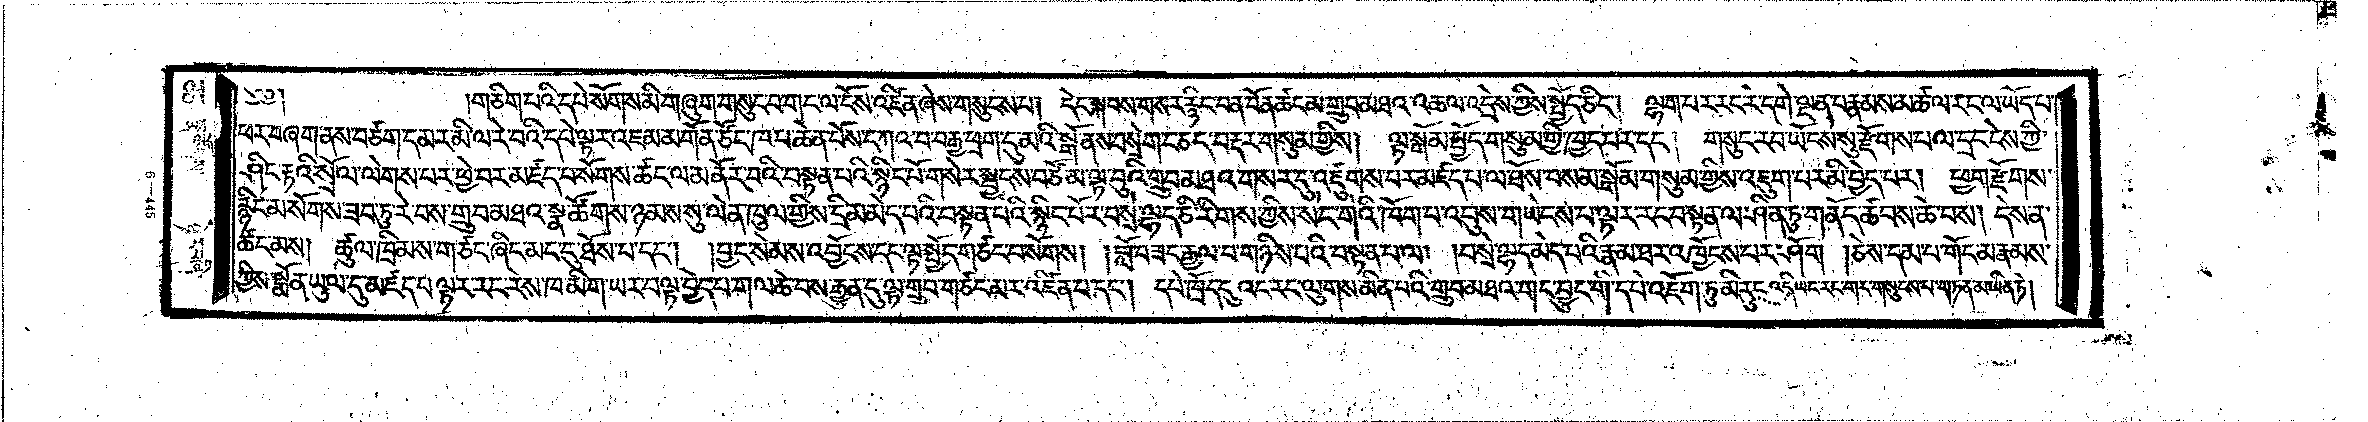༄༅། །གཅིག་པའི་དཔེ་སོགས་མི་གཞུག་གསུང་བ་གང་ལ་ངོས་འཛིན་ཞེས་གསུངས་པ། དེང་སྐབས་གསར་རྙིང་བན་བོན་ཚང་མ་གྲུབ་མཐའ་འཆལ་འདྲེས་ཀྱིས་སྤྱོད་ཅིང་། ལྷག་པར་རང་རེ་དགེ་ལྡན་པ་རྣམས་མཚལ་རང་ལ་ཡོད་པ་
ཕར་བཞག་ནས་བཙག་དམར་མི་ལ་རེ་བའི་དཔེ་ལྟར་འཇམ་མགོན་ཙོང་ཁ་པ་ཆེན་པོས་དཀའ་བ་བརྒྱ་ཕྲག་དུ་མའི་སྒོ་ནས་བསྲེག་བཅད་བརྡར་གསུམ་གྱིས། ལྟ་སྒོམ་སྤྱོད་གསུམ་གྱི་ཁྱད་པར་དང་། གསུང་རབ་ཡོངས་སུ་རྫོགས་པ་ལ་དྲང་ངེས་ཀྱི་
ཤིང་རྟའི་སྲོལ་ལེགས་པར་ཕྱེ་བར་མཛད་པ་སོགས་ཚང་ལ་མ་ནོར་བའི་བསྟན་པའི་སྙིང་པོ་གསེར་སྦྱངས་བཙོམ་ལྟ་བུའི་གྲུབ་མཐའ་གསར་དུ་འཛུགས་པར་མཛད་པ་ལ་ཐོས་བསམ་སྒོམ་གསུམ་གྱིས་འཇུག་པར་མི་བྱེད་པར། ཕྱག་རྫོགས་
རྙིང་མ་སོགས་ཟབ་ཏུ་རེ་བས་གྲུབ་མཐའ་སྣ་ཚོགས་ཉམས་སུ་ལེན་ཁུལ་གྱིས་དྲི་མ་མེད་པའི་བསྟན་པའི་སྙིང་པོར་བསྲེ་ལྷད་ཅི་རིགས་ཀྱིས་སང་གེའི་ཁོག་པ་འབུས་གཡེངས་པ་ལྟར་རང་བསྟན་ལ་ཤིན་ཏུ་གནོད་ཚབས་ཆེ་བས། དེས་ན་
ཚང་མས། ཚུལ་ཁྲིམས་གཙང་ཞིང་མང་དུ་ཐོས་པ་དང་། །བྱང་སེམས་འབྱོངས་དང་ལྟ་སྤྱོད་གཙང་བ་སོགས། །བློ་བཟང་རྒྱལ་བ་གཉིས་པའི་བསྟན་པ་ལ། །བསྲེ་ལྷད་མེད་པའི་རྣམ་ཐར་འཁྱོངས་པར་ཤོག །ཅེས་དམ་པ་གོང་མ་རྣམས་
ཀྱིས་སྨོན་ཡུལ་དུ་མཛད་པ་ལྟར་རང་རེས་ཁ་མིག་ཡར་བལྟ་བྱེད་པ་གལ་ཆེ་བས་རྒྱུན་དུ་ལྟ་གྲུབ་གཙང་མར་འཛིན་པ་དང་། དཔེ་ཁྲོད་དུའང་རང་ལུགས་མིན་པའི་གྲུབ་མཐའ་གང་བྱུང་གི་དཔེ་འཇོག་ཏུ་མི་རུང་འདི་ཡང་རང་གར་གསུངས་པ་གཏན་མ་ཡིན་ཏེ།